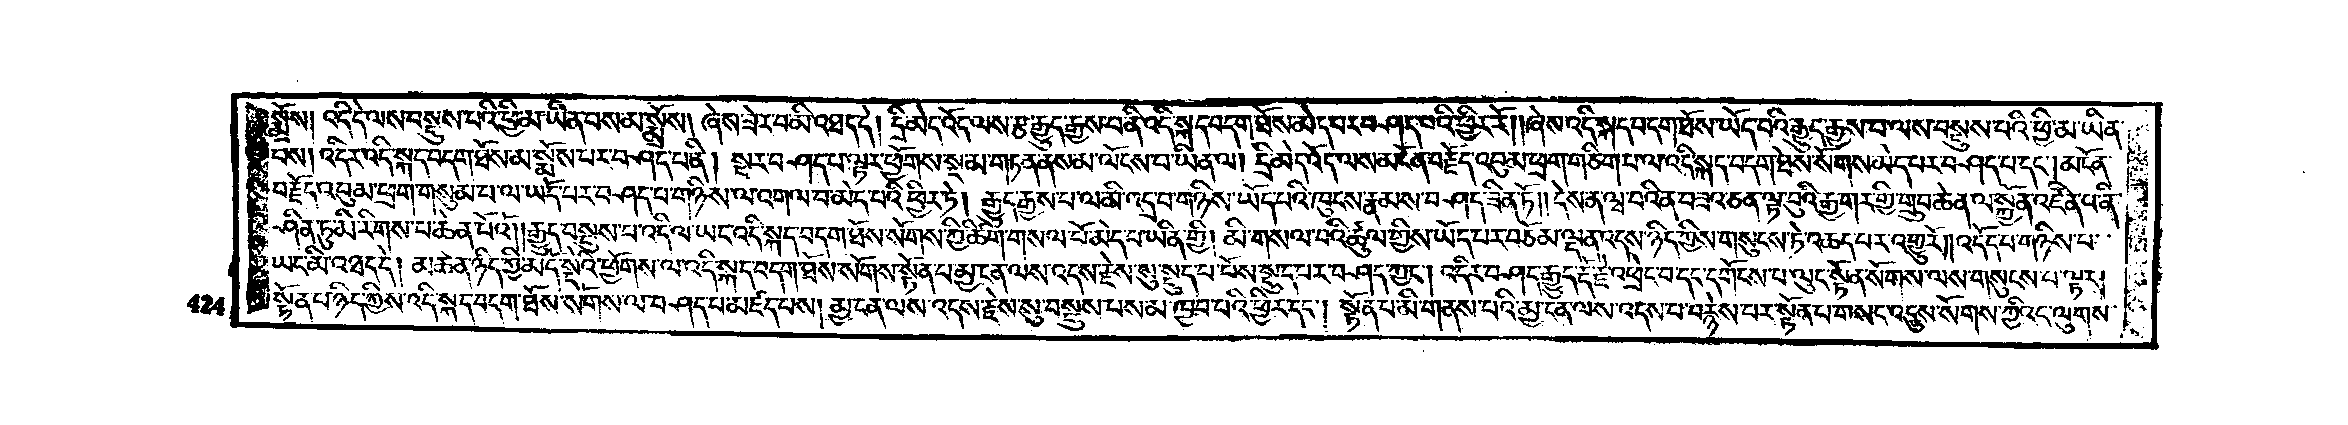སྨྲོས། འདི་དེ་ལས་བསྡུས་པའི་ཕྱི་མ་ཡིན་པས་མ་སྨྲོས། ཞེས་ཟེར་བ་མི་འཐད་དེ། དྲི་མེད་འོད་ལས་རྩ་རྒྱུད་རྒྱས་པ་ནི་འདི་སྐད་བདག་ཐོས་མེད་པར་བཤད་པའི་ཕྱིར་རོ། །ཞེས་འདི་སྐད་བདག་ཐོས་ཡོད་པའི་རྒྱུད་རྒྱས་པ་ལས་བསྡུས་པའི་ཕྱི་མ་ཡིན་
པས། འདིར་འདི་སྐད་བདག་ཐོས་མ་སྨོས་པར་བཤད་པ་ནི། སྔར་བཤད་པ་ལྟར་ཕྱོགས་སྔ་མ་གཏན་ནས་མ་ལོངས་པ་ཡིན་ལ། དྲི་མེད་འོད་ལས་མངོན་བརྗོད་འབུམ་ཕྲག་གཅིག་པ་ལ་འདི་སྐད་བདག་ཐོས་སོགས་མེད་པར་བཤད་པ་དང་། མངོན་
བརྗོད་འབུམ་ཕྲག་གསུམ་པ་ལ་ཡོད་པར་བཤད་པ་གཉིས་ལ་འགལ་བ་མེད་པའི་ཕྱིར་ཏེ། རྒྱུད་རྒྱས་པ་ལ་མི་འདྲ་བ་གཉིས་ཡོད་པའི་ཁུངས་རྣམས་བཤད་ཟིན་ཏོ། །དེས་ན་ལྭ་བའི་ན་བཟའ་ཅན་ལྟ་བུའི་རྒྱ་གར་གྱི་གྲུབ་ཆེན་ལ་སྐྱོན་འཛིན་པ་ནི་
ཤིན་ཏུ་མི་རིགས་པ་ཆེན་པོའོ། །རྒྱུད་བསྡུས་པ་འདི་ལ་ཡང་འདི་སྐད་བདག་ཐོས་སོགས་ཀྱི་ཚིག་གསལ་པོ་མེད་པ་ཡིན་གྱི། མི་གསལ་བའི་ཚུལ་གྱིས་ཡོད་པར་བཅོམ་ལྡན་འདས་ཉིད་ཀྱིས་གསུངས་ཏེ་འཆད་པར་འགྱུར་རོ། །འདོད་པ་གཉིས་པ་ནི་
ཡང་མི་འཐད་དེ། མཚན་ཉིད་ཀྱི་མདོ་སྡེའི་ཕྱོགས་ལ་འདི་སྐད་བདག་ཐོས་སོགས་སྟོན་པ་མྱ་ངན་ལས་འདས་རྗེས་སུ་སྡུད་པ་པོས་སྡུད་པར་བཤད་ཀྱང་། འདིར་བཤད་རྒྱུད་རྡོ་རྗེ་འཕྲེང་བ་དང་དགོངས་པ་ལུང་སྟོན་སོགས་ལས་གསུངས་པ་ལྟར།
སྟོན་པ་ཉིད་ཀྱིས་འདི་སྐད་བདག་ཐོས་སོགས་ལ་བཤད་པ་མཛད་པས། མྱ་ངན་ལས་འདས་རྗེས་སུ་བསྡུས་པས་མ་ཁྱབ་པའི་ཕྱིར་དང་། སྟོན་པ་མི་གནས་པའི་མྱ་ངན་ལས་འདས་པ་བརྙེས་པར་སྟོན་པ་གསང་འདུས་སོགས་ཀྱིའང་ལུགས་